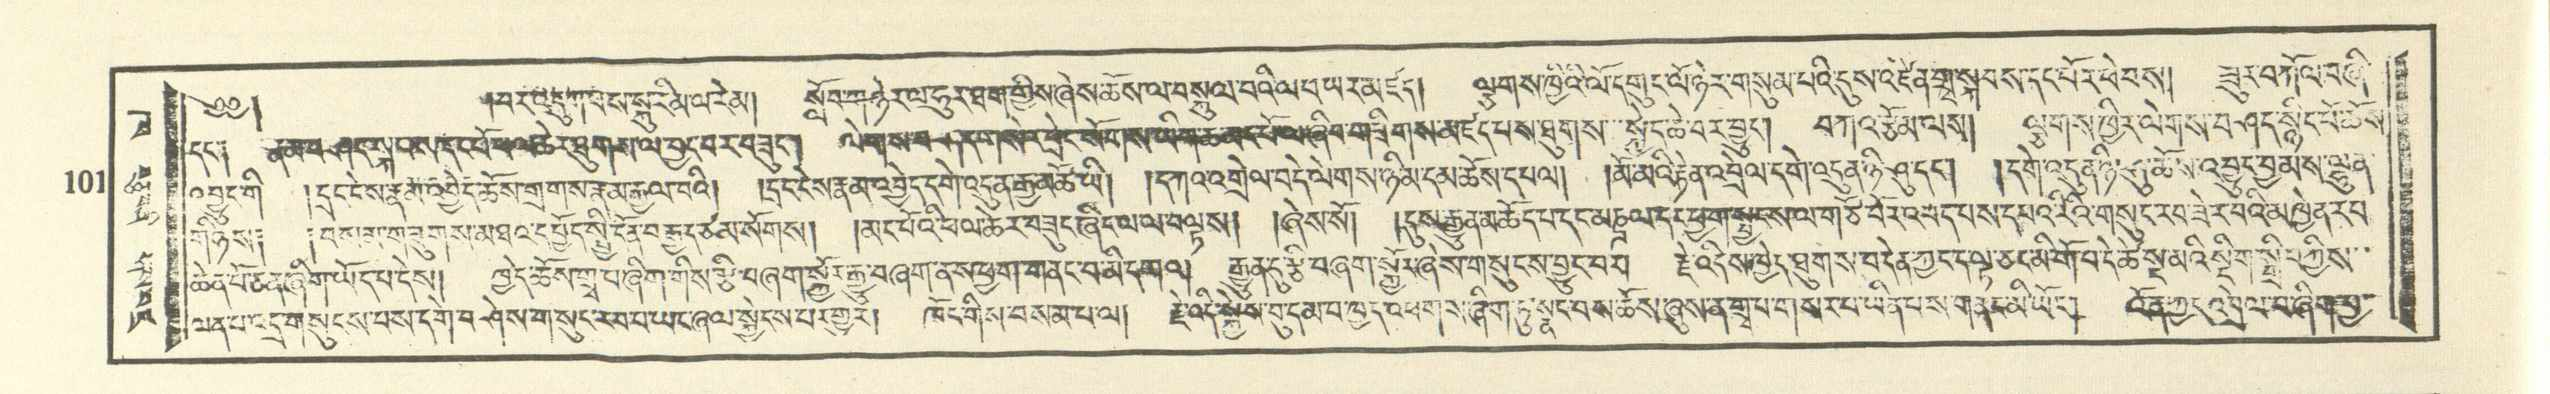༄༅། །བར་འདུག་པས་སྐུ་རིམ་ལ་རེམ། སློབ་གཉེར་ལ་ཧུར་ཐག་གྱིས་ཞེས་ཆོས་ལ་བསྐུལ་བའི་ལབ་ཡར་མཛད། ལྕགས་ཁྱིའི་ལོ་དགུང་ལོ་ཉེར་གསུམ་པའི་དུས་འཛིན་གྲྭ་སྐབས་དང་པོར་ཕེབས། ཟུར་བཀོལ་བཞི་
དང༑ རྣམ་བཤད་སྐབས་དང་པོ་ཕལ་ཆེར་ཐུགས་ལ་བྱད་བར་བཟུང་། ལེགས་བཤད་གསེར་ཕྲེང་སོགས་ཡིག་ཆ་མང་པོ་ལ་ཞིབ་གཟིགས་མཛད་པས་ཐུགས་སྐྱེད་ཆེ་བར་བྱུང་། བཀའ་རྩོམ་ལས། ལྕགས་ཁྱིར་ལེགས་བཤད་སྙིང་པོ་ཆོས་
འབྱུང་གི །དྲང་ངེས་རྣམ་འབྱེད་ཆོས་གྲགས་རྣམ་རྒྱལ་བའི། །དྲང་ངེས་རྣམ་འབྱེད་དགེ་འདུན་རྒྱ་མཚོ་ཡི། །དཀའ་འགྲེལ་བདེ་ལེགས་ཉི་མ་དམ་ཆོས་དཔལ། །མོ་མའི་རྟེན་འབྲེལ་དགེ་འདུན་ཉི་ཤུ་དང་། །དགེ་འདུན་ཉི་ཤུ་ཆོས་འབྱུང་བྱམས་ལྷུན་
གཉིས༑ ༑བསམ་གཟུགས་མཐའ་དབྱོད་སྤྱི་དོན་བརྒྱད་ཙམ་སོགས། །མང་པོའི་ཕལ་ཆེར་བཟུང་ཞིང་ལ་ལ་བལྟས། །ཞེས་སོ། །དུས་རྒྱུན་མཆོད་པ་དང་མཎྜལ་དང་ཕྱག་སྦྱངས་ལ་གཙོ་པོར་འབད་པས་དཔའ་རིའི་གསུང་རབ་ཟེར་བའི་མཁྱེན་རབ་
ཆེན་པོ་ཅན་ཞིག་ཡོད་པ་དེས། ཁྱེད་ཆོས་གྲྭ་པ་ཞིག་གིས་རྩི་བཞག་སྐྱོར་རྒྱུ་བཞག་ནས་ཕྱག་གནང་བ་མི་དགའ། རྒྱུན་དུ་རྩི་བཞག་སྐྱོར་ཞེས་གསུངས་བྱུང་པར། རྗེ་འདིས་ཁྱེད་ཐུགས་བདེན་ཀྱང་ད་ལྟ་ཅང་མི་གོ་བ་དེ་ཚེ་སྔ་མའི་སྡིག་སྒྲིབ་ཀྱིས་
ལན་པ་འདྲ་གསུངས་པས་དགེ་བཤེས་གསུང་རབ་པ་ཡང་ཞལ་སྐྱེ་ངས་པར་གྱུར། ཁོང་གིས་བསམ་པ་ལ། རྗེ་འདི་སྐྱེས་བུ་དམ་པ་ཁྱད་འཕགས་ཞིག་ཏུ་སྣང་བས་ཆོས་ཞུས་ན་གྲྭ་པ་གསར་པ་ཡིན་པས་གནང་མི་ཡོང་། འོན་ཀྱང་འབྲེལ་པ་ཞིག་བྱ་